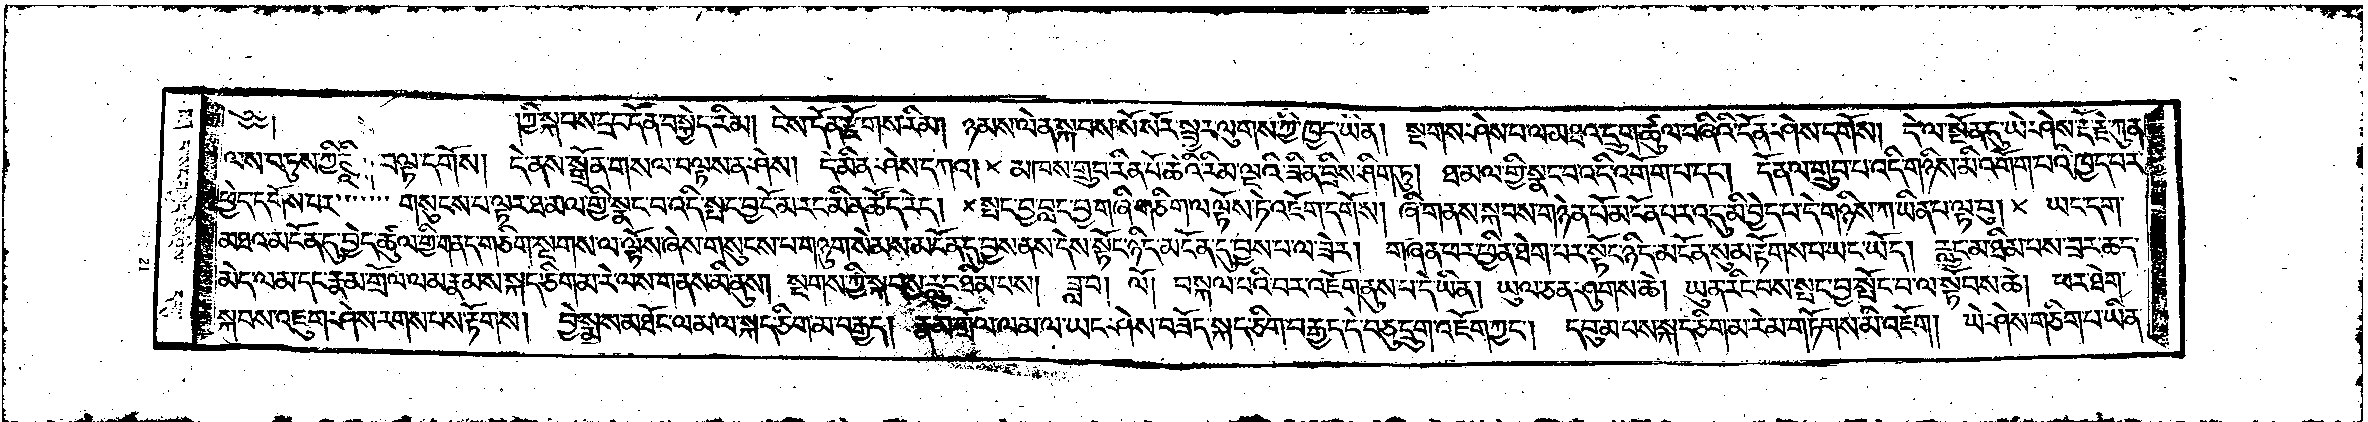༄༅། །ཀྱི་སྐབས་དྲང་དོན་བསྐྱེད་རིམ། ངེས་དོན་རྫོགས་རིམ། ཉམས་ལེན་སྐབས་སོ་སོར་སྦྱར་ལུགས་ཀྱི་ཁྱད་ཡིན། སྔགས་ཤེས་པ་ལ་མཐའ་དྲུག་ཚུལ་བཞིའི་དོན་ཤེས་དགོས། དེ་ལ་སྔོན་དུ་ཡེ་ཤེས་རྡོ་རྗེ་ཀུན་
ལས་བཏུས་ཀྱི་ཊཱིདཀ་བལྟ་དགོས། དེ་ནས་སྒྲོན་གསལ་བལྟས་ན་ཤེས། དེ་མིན་ཤེས་དཀའ། ྾མཁས་གྲུབ་རིན་པོ་ཆེའི་རིམ་ལྔའི་ཟིན་བྲིས་ཤིག་ཏུ། ཐ་མལ་གྱི་སྣང་བ་འདི་འགོག་པ་དང་། དོན་ལ་གྲུབ་པ་འདི་གཉིས་མི་འགོག་པའི་ཁྱད་པར་
ཕྱེད་དགོས་པར་གསུངས་པ་ལྟར་ཐ་མལ་གྱི་སྣང་བ་འདི་སྤང་བྱ་ངོ་མ་རང་མིན་ཚོད་རེད། ྾སྤང་བྱ་བླང་བྱ་གཞི་གཅིག་ལ་ལྟོས་ཏེ་འཇོག་དགོས། ཞི་གནས་སྐབས་གཉེན་པོ་མངོན་པར་འདུ་མི་བྱེད་པ་དེ་གཉིས་ཀ་ཡིན་པ་ལྟ་བུ། ྾་ཡང་དག་
མཐའ་མངོན་དུ་བྱེད་ཚུལ་གྱི་གནད་གཅིག་སྔགས་ལ་ལྟོས་ཞེས་གསུངས་པ་གཉུག་སེམས་མངོན་དུ་བྱས་ནས་དེས་སྟོང་ཉིད་མངོན་དུ་བྱས་པ་ལ་ཟེར། གཞན་ཕར་ཕྱིན་ཐེག་པར་སྟོང་ཉིད་མངོན་སུམ་རྟོགས་པ་ཡང་ཡོད། རླུང་མ་ཐིམ་པས་ཟར་ཆད་
མེད་ལམ་དང་རྣམ་གྲོལ་ལམ་རྣམས་སྐད་ཅིག་མ་རེ་ལས་གནས་མི་ནུས། སྔགས་ཀྱི་སྐབས་རླུང་ཐིམ་པས། ཟླ་བ། ལོ། བསྐལ་པའི་བར་འཇོག་ནུས་པ་དེ་ཡིན། ཡུལ་ཅན་ཤུགས་ཆེ། ཡུན་རིང་བས་སྤང་བྱ་སྤོང་བ་ལ་སྟོབས་ཆེ། ཕར་ཐེག་
སྐབས་འཇུག་ཤེས་རགས་པས་རྟོགས། བྱེ་སྨྲས་མཐོང་ལམ་ལ་སྐད་ཅིག་མ་བརྒྱད། རྣམ་གྲོལ་ལམ་ལ་ཡང་ཤེས་བཟོད་སྐད་ཅིག་བརྒྱད་དེ་བཅུ་དྲུག་འཇོག་ཀྱང་། དབུ་མ་པས་སྐད་ཅིག་མ་རེམ་གཏོགས་མི་འཇོག། ཡེ་ཤེས་གཅིག་པ་ཡིན་